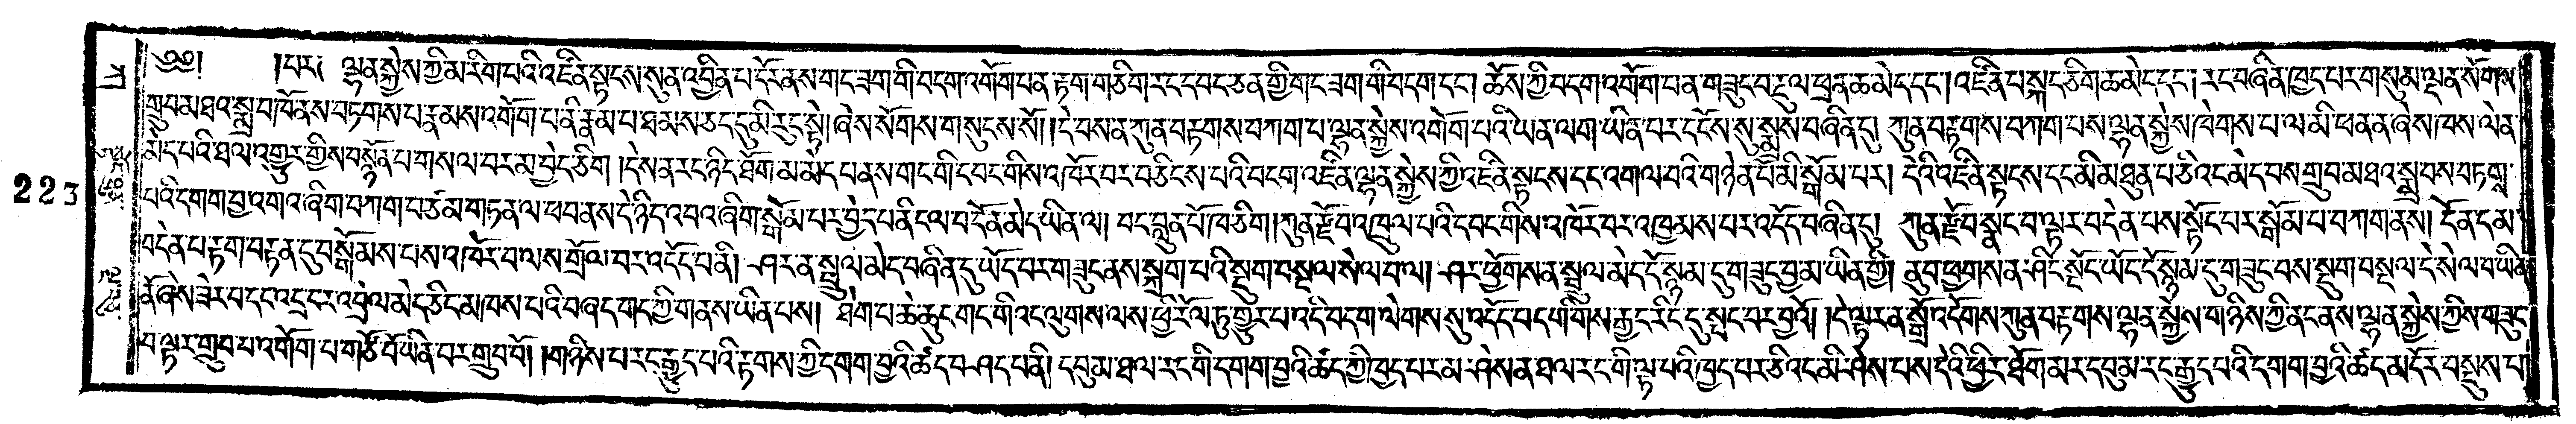༄༅། །པར༑ ལྷན་སྐྱེས་ཀྱི་མ་རིག་པའི་འཛིན་སྟངས་སུན་འབྱིན་པ་དོར་ནས་གང་ཟག་གི་བདག་འགོག་པ་ན་རྟག་གཅིག་རང་དབང་ཅན་གྱི་གང་ཟག་གི་བདག་དང་། ཆོས་ཀྱི་བདག་འགོག་པ་ན་གཟུང་བ་རྡུལ་ཕྲན་ཆ་མེད་དང་། འཛིན་པ་སྐད་ཅིག་ཆ་མེད་དང་། རང་བཞིན་ཁྱད་པར་གསུམ་ལྡན་སོགས་
གྲུབ་མཐའ་སྨྲ་བ་ཁོ་ནས་བཏགས་པ་རྣམས་འགོག་པ་ནི་རྣམ་པ་ཐམས་ཅད་དུ་མི་རུང་སྟེ། ཞེས་སོགས་གསུངས་སོ། །དེ་བས་ན་ཀུན་བརྟགས་བཀག་པ་ལྷན་སྐྱེས་འགོག་པའི་ཡན་ལག་ཡིན་པར་དངོས་སུ་སྨྲས་བཞིན་དུ། ཀུན་བརྟགས་བཀག་པས་ལྷན་སྐྱེས་ཁེགས་པ་ལ་མི་ཕན་ན་ཞེས་ཁས་ལེན་
མེད་པའི་ཐལ་འགྱུར་གྱིས་བསྙོན་པ་གསལ་བར་མ་བྱེད་ཅིག །དེས་ན་རང་ཉིད་ཐོག་མ་མེད་པ་ནས་གང་གི་དབང་གིས་འཁོར་བར་བཅིངས་པའི་བདག་འཛིན་ལྷན་སྐྱེས་ཀྱི་འཛིན་སྟངས་དང་འགལ་བའི་གཉེན་པོ་མི་སྒོམ་པར། དེའི་འཛིན་སྟངས་དང་མི་མཐུན་པ་ཅིའང་མེད་བས་གྲུབ་མཐའ་སྨྲ་བས་བཏགས་
པའི་དགག་བྱ་འགའ་ཞིག་བཀག་པ་ཙམ་གཏན་ལ་ཕབ་ནས་དེ་ཉིད་འབའ་ཞིག་སྒོམ་པར་བྱེད་པ་ནི་ངལ་བ་དོན་མེད་ཡིན་ལ། བང་བླུན་པོ་ཁ་ཅིག །ཀུན་རྫོབ་འཁྲུལ་པའི་དབང་གིས་འཁོར་བར་འཁྱམས་པར་འདོད་བཞིན་དུ། ཀུན་རྫོབ་སྣང་བ་ལྟར་བདེན་པས་སྟོང་པར་སྒོམ་པ་བཀག་ནས། དོན་དམ་
བདེན་པ་རྟག་བརྟན་དུ་བསྒོམས་པས་འཁོར་བ་ལས་གྲོལ་བར་འདོད་པ་ནི། ཤར་ན་སྦྲུལ་མེད་བཞིན་དུ་ཡོད་པར་གཟུང་ནས་སྐྲག་པའི་སྡུག་བསྔལ་སེལ་བ་ལ། ཤར་ཕྱོགས་ན་སྦྲུལ་མེད་དོ་སྙམ་དུ་གཟུང་བྱ་མ་ཡིན་གྱི། ནུབ་ཕྱགས་ན་ཤིང་སྡོང་ཡོད་དོ་སྙམ་དུ་གཟུང་བས་སྡུག་བསྔལ་དེ་སེལ་བ་ཡིན་
ནོ་ཞེས་ཟེར་བ་དང་འདྲ་བར་འབྲེལ་མེད་ཅིང་མཁས་པའི་བཞད་གང་ཀྱི་གནས་ཡིན་པས། ཐེག་པ་ཆེ་ཆུང་གང་གིའང་ལུགས་ལས་ཕྱི་རོལ་ཏུ་གྱུར་པ་འདི་བདག་ལེགས་སུ་འདོད་བདག་གིས་རྒྱང་རིང་དུ་སྤང་བར་བྱའོ། །དེ་ལྟར་ན་སྒྲོ་འདོགས་ཀུན་བརྟགས་ལྷན་སྐྱེས་གཉིས་ཀྱི་ནང་ནས་ལྷན་སྐྱེས་ཀྱིས་གཟུང་
བ་ལྟར་གྲུབ་པ་འགོག་པ་གཙོ་བོ་ཡིན་པར་གྲུབ་བོ། །གཉིས་པ་རང་རྒྱུད་པའི་རྟགས་ཀྱི་དགག་བྱའི་ཚད་བཤད་པ་ནི། དབུམ་ཐལ་རང་གི་དགག་བྱའི་ཚད་ཀྱི་ཁྱད་པར་མ་ཤེས་ན་ཐལ་རང་གི་ལྟ་པའི་ཁྱད་པར་ཅིའང་མི་ཤེས་པས་དེའི་ཕྱིར་ཐོག་མར་དབུ་མ་རང་རྒྱུད་པའི་དགག་བྱའི་ཚད་མདོར་བསྡུས་པ་